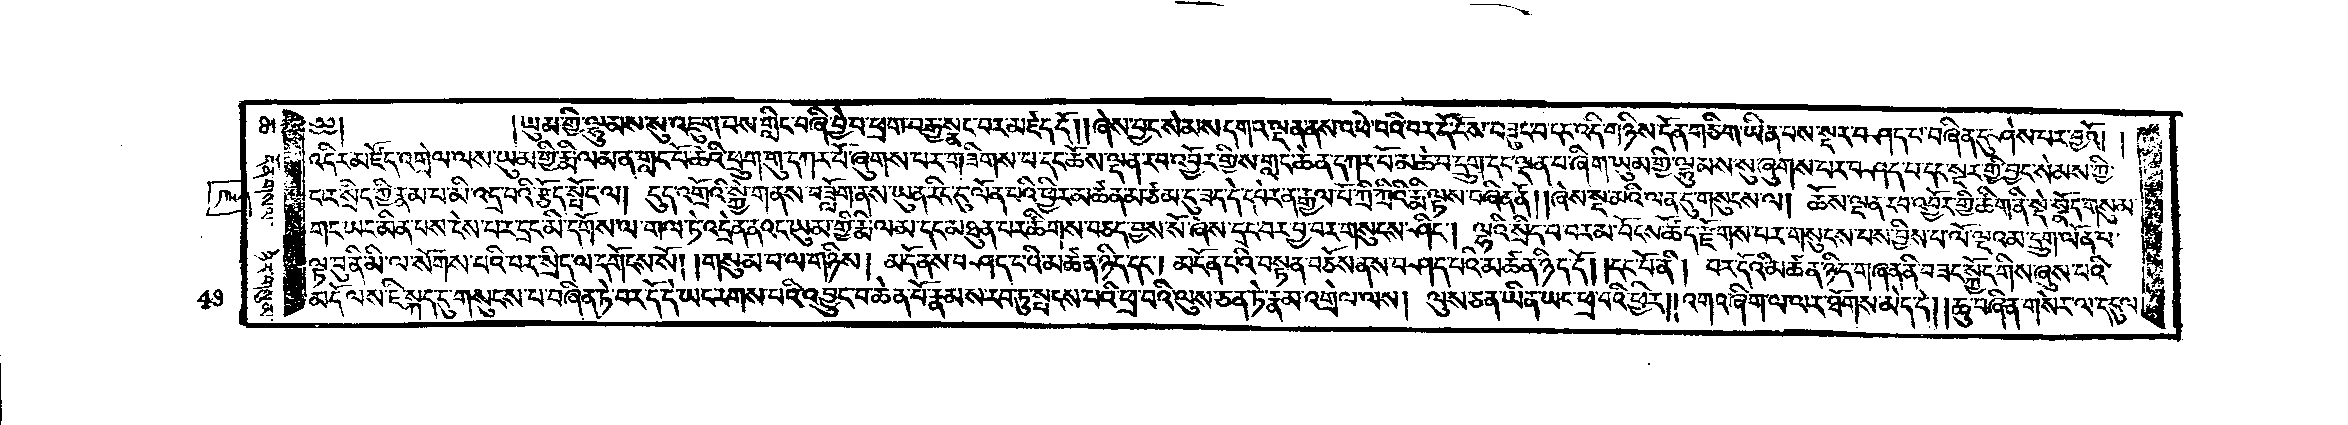༄༅། །ཡུམ་གྱི་ལྷུམས་སུ་འཇུག་པས་གླིང་བཞི་བྱེ་བ་ཕྲག་བརྒྱ་སྣང་བར་མཛད་དོ། །ཞེས་བྱང་སེམས་དགའ་ལྡན་ནས་འཕོ་བའི་བར་དོ་ངོས་བཟུང་བ་དང་འདི་གཉིས་དོན་གཅིག་ཡིན་པས་སྔར་བཤད་པ་བཞིན་དུ་ཤེས་པར་བྱའོ། །
འདིར་མཛེད་འགྲེལ་ལས་ཡུམ་གྱི་རྨི་ལམ་ན་གླང་པོ་ཆེའི་ཕྲུག་གུ་དཀར་པོ་ཞུགས་པར་གཟིགས་པ་དང་ཆོས་ལྡན་རབ་འབྱོར་གྱིས་གླང་ཆེན་དཀར་པོ་མཆེ་བ་དྲུག་དང་ལྡན་པ་ཞིག་ཡུམ་གྱི་ལྷུམས་སུ་ཞུགས་པར་བཤད་པ་དང་སྔར་གྱི་བྱང་སེམས་ཀྱི་
བར་སྲིད་ཀྱི་རྣམ་པ་མི་འདྲ་བའི་རྩོད་སྤོང་ལ། དུད་འགྲོའི་སྐྱེ་གནས་བཟློག་ནས་ཡུན་རིང་དུ་ལོན་པའི་ཕྱིར་མཚན་མ་ཙམ་དུ་ཟད་དེ་དཔེར་ན་རྒྱལ་པོ་ཀྲི་ཀྲིའི་རྨི་ལྟས་བཞིན་ནོ། །ཞེས་སྔ་མའི་ལན་དུ་གསུངས་ལ། ཆོས་ལྡན་རབ་འབྱོར་གྱི་ཚིག་ནི་སྡེ་སྣོད་གསུམ་
གང་ཡང་མིན་པས་ངེས་པར་དྲང་མི་དགོས་ལ་གལ་ཏེ་འདྲེན་ནའང་ཡུམ་གྱི་རྨི་ལམ་དང་མཐུན་པར་ཚིགས་བཅད་བྱས་སོ་ཞེས་དྲང་བར་བྱ་བར་གསུངས་ཤིང་། ལྷའི་སྲིད་པ་བར་མ་བོངས་ཚོད་རྫོགས་པར་གསུངས་པས་བྱིས་པ་ལོ་ལྔའམ་དྲུག་ལོན་པ་
ལྟ་བུ་ནི་མི་ལ་སོགས་པའི་བར་སྲིད་ལ་དགོངས་སོ། །གསུམ་པ་ལ་གཉིས། མདོ་ནས་བཤད་པའི་མཚན་ཉིད་དང་། མངོན་པའི་བསྟན་བཅོས་ནས་བཤད་པའི་མཚན་ཉིད་དོ། །དང་པོ་ནི། བར་དོའི་མཚན་ཉིད་གཞན་ནི་བཟང་སྐྱོད་གིས་ཞུས་པའི་
མདོ་ལས་ཇི་སྐད་དུ་གསུངས་པ་བཞིན་ཏེ་བར་དོ་དེ་ཡང་རགས་པའི་འབྱུང་བ་ཆེན་པོ་རྣམས་རབ་ཏུ་སྤངས་པའི་ཕྲ་བའི་ལུས་ཅན་ཏེ་རྣམ་འགྲེལ་ལས། ལུས་ཅན་ཡིན་ཡང་ཕྲ་བའི་ཕྱིར། །འགའ་ཞིག་ལ་ལར་ཐོགས་མེད་དེ། །ཆུ་བཞིན་གསེར་ལ་དངུལ་